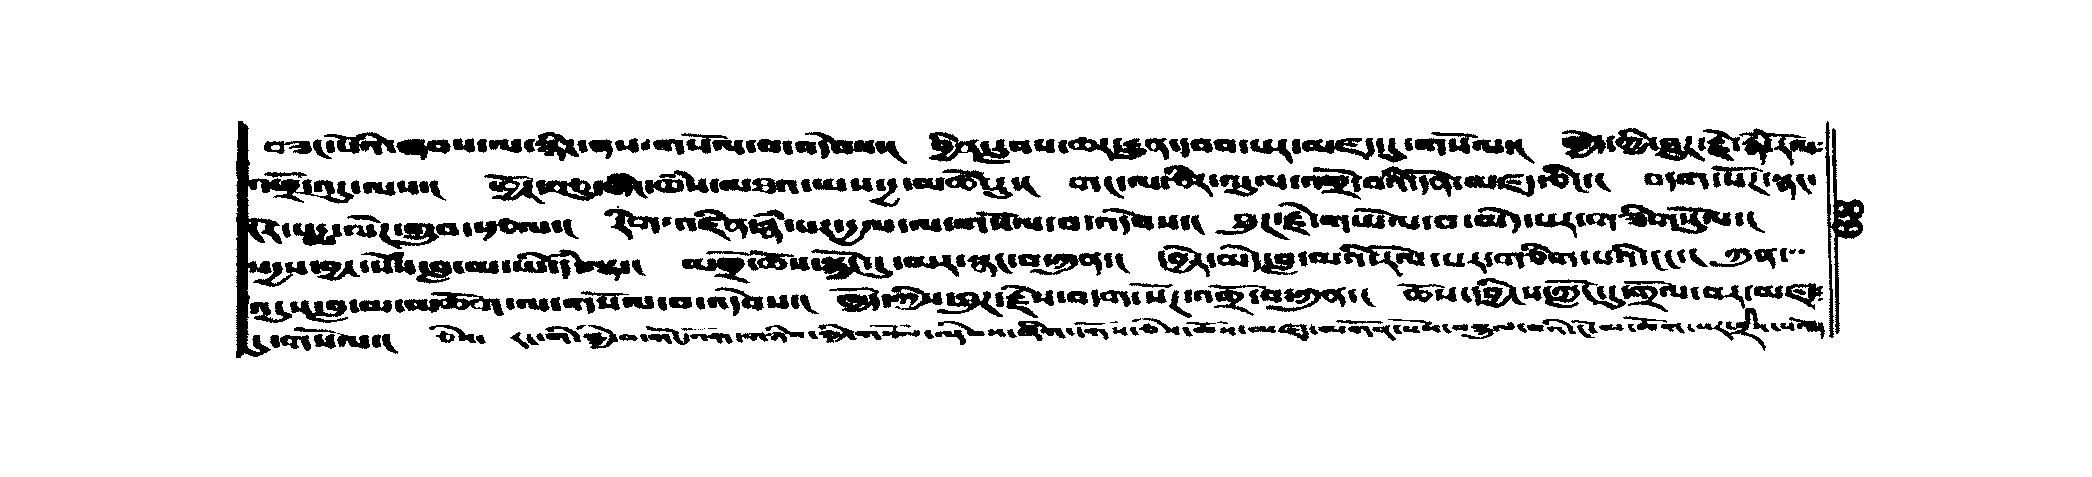།བཟང་པོའི་ཞབས་ལ་སྙིང་ནས་གསོལ་བ་འདེབས། །བྱིན་རླབས་ཆར་རྒྱུན་དབབ་པར་མཛད་དུ་གསོལ། །ཁྱེད་ཀྱི་ཐུགས་རྗེ་རྣམ་རོལ་
འཕྲོ་འདུ་ལས། །ཕྱོགས་བཅུའི་ཞིང་ཁམས་མཐའ་ཡས་རྒྱ་མཚོ་རུ། །གང་ལ་ཅིར་འདུལ་འགྲོ་བའི་དོན་མཛད་ཅིང་། །བདག་སོགས་སྣང་
ངོར་པདྨ་ལེགས་གྲུབ་རྩལ། །རིག་འཛིན་རྣམ་པར་རྒྱལ་ལ་གསོལ་བ་འདེབས། །ཐུགས་རྗེ་གཡེལ་བ་མེད་པར་གཟིགས་སུ་གསོལ། །
སངས་རྒྱས་བྱང་སེམས་བླ་མ་ཡི་དམ་ལྷ། །མཁའ་འགྲོ་ཆོས་སྐྱོང་དུ་མར་སྣང་བ་ཀུན། །དབྱེར་མེད་བླ་མའི་རོལ་པར་གཅིག་པའི་ངང་། །ཀུན་
འདུས་བླ་མ་མཆོག་ལ་གསོལ་བ་འདེབས། །ཁྱོད་ཀྱི་ཐུགས་རྗེས་བདག་སོགས་འགྲོ་བ་ཀུན། །ཆོས་དབྱིངས་ཀློང་དུ་གྲོལ་བར་མཛད་
དུ་གསོལ། ཅེས་རང་གི་སྐྱེ་བ་གོང་འོག་གཉིས་ཀྱི་གསོལ་འདེབས་ཤིག་དགོས་ཅེས་ཆོས་མཛད་མགོན་པས་བསྐུལ་བའི་ངོ་མ་ཆོག་པར་བྲིས་པའོ།།